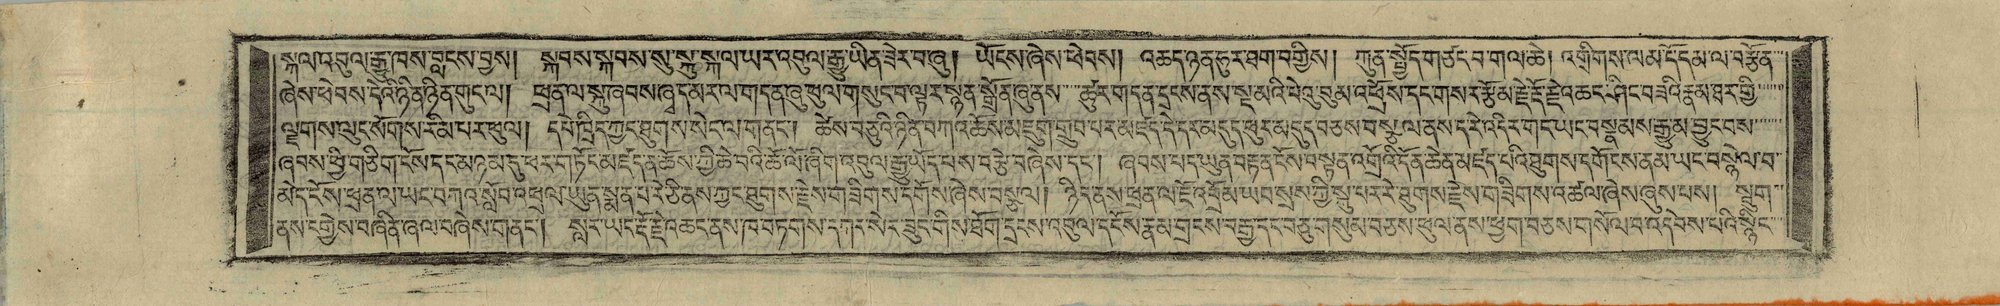སྐལ་འབུལ་རྒྱུ་ཁས་བླངས་བྱས། སྐབས་སྐབས་སུ་སྐུ་སྐལ་ཡར་འབུལ་རྒྱུ་ཡིན་ཟེར་བ་ཞུ། ཡོངས་ཞེས་ཕེབས། འཆད་ཉན་ཧུར་ཐག་བགྱིས། ཀུན་སྤྱོད་གཙང་བ་གལ་ཆེ། འགྲིགས་ལམ་དོ་དམ་ལ་བརྩོན་
ཞེས་ཕེབས་དེའི་ཉིན་ཉིན་གུང་ལ། ཕྲན་ལ་སྐུ་ཞབས་ཞྭ་དམར་ལ་གདན་ཞུ་ཕུལ་གསུང་བ་ལྟར་སྙན་སྒྲོན་ཞུ་ནས་ཚུར་གདན་དྲངས་ནས་སྔ་མའི་པེའུ་བུམ་འཕྲོས་དང་གསར་རྩོམ་རྗེ་རྡོ་རྗེ་འཆང་ཤིང་བཟའི་རྣམ་ཐར་གྱི་
ལྗགས་ལུང་སོགས་རིམ་པར་ཕུལ། དཔེ་ཁྲིད་ཀྱང་ཐུགས་སེང་ལ་གནང་། ཚེས་བཅུའི་ཉིན་བཀའ་ཆོས་མཇུག་གྲུབ་པར་མཛད་དེ་དར་མདུད་ཕུར་མདུད་བཅས་བསྩལ་ནས་ད་རེ་འདིར་གང་ཡང་བསྣམས་རྒྱུ་མ་བྱུང་བས་
ཞབས་ཕྱི་གཅིག་ངོས་དང་མཉམ་དུ་ཕར་གཏོང་མཛད་ན་ཆོས་ཀྱི་ཆེ་བའི་ཆོ་ལོ་ཞིག་འབུལ་རྒྱུ་ཡོད་པས་བརྩེ་བཞེས་དང་། ཞབས་པད་ཡུན་བརྟན་ངོས་བསྟན་འགྲོའི་དོན་ཆེན་མཛད་པའི་ཐུགས་དགོངས་ནམ་ཡང་བསྙེལ་བ་
མེད་ངོས་ཕྲན་ལ་ཡང་བཀའ་སློབ་འཕྲལ་ཡུན་སྨན་པ་རེ་ཅི་ནས་ཀྱང་ཐུགས་རྗེས་གཟིགས་དགོས་ཞེས་བསྩལ། ཉིད་ནས་ཕྲན་ལ་ཇོ་འབྲོམ་ཡབ་སྲས་ཀྱི་སྐུ་པར་རེ་ཐུགས་རྗེས་གཟིགས་འཚལ་ཞེས་ཞུས་པས། སྦུག་
ནས་དགྱེས་བཞིན་ཞལ་བཞེས་གནང་། སླར་ཡང་རྡོ་རྗེ་འཆང་ནས་ཁ་བཏགས་དཀར་སེར་ཟུང་གིས་ཐོག་དྲངས་འབུལ་དངོས་རྣམ་གྲངས་བརྒྱ་དང་བཅུ་གསུམ་བཅས་ཕུལ་ནས་ཕྱག་བཅས་གསོལ་བ་འདེབས་པའི་སྙིང་